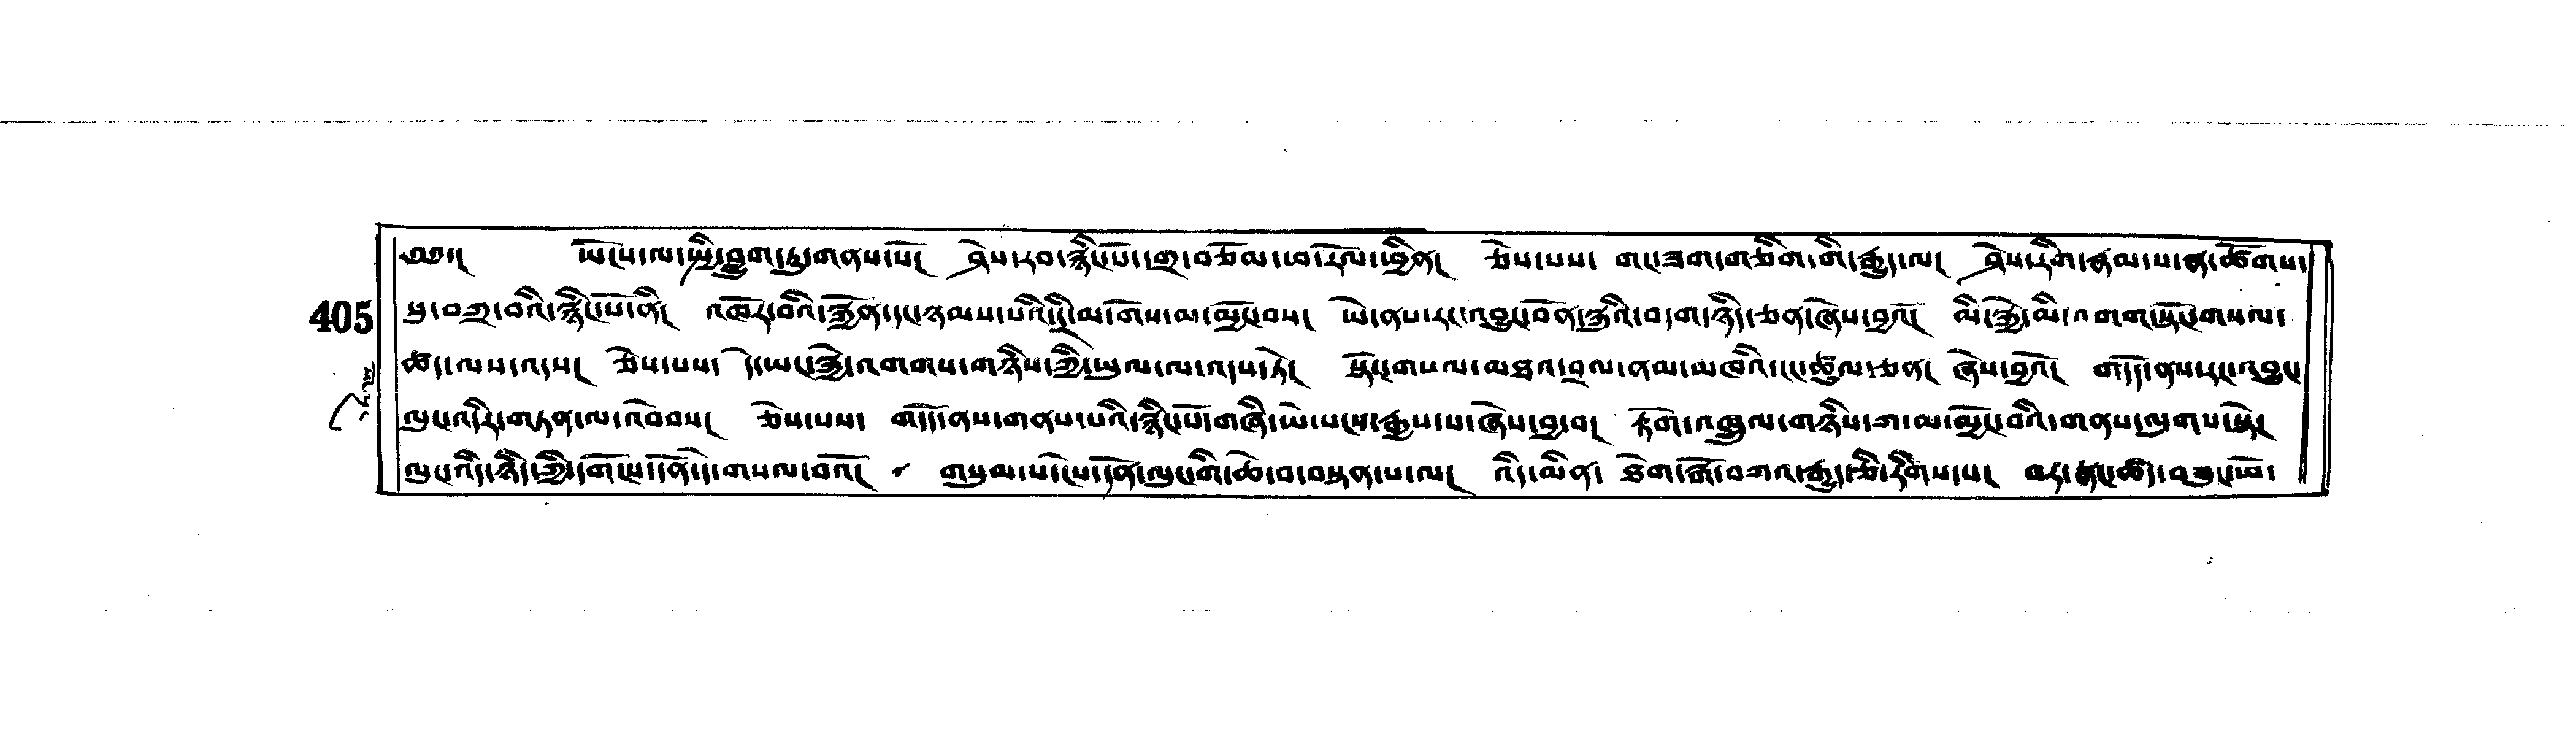ཡོངས་ལ་སྤྱི་བླུག་ཏུ་གནས་སོ། ཤེས་རབ་སྙིང་པོ་དགྲ་བཅོམ་ཕ་རོལ་ཕྱིན། ཅེས་པས། གང་ཟག་གཅིག་གི་རྒྱུད་ལ། ཤེས་རིག་རྣམ་པ་སྣ་ཚོགས་
སུ་བཀྲ་བའི་སྙིང་པོ་ནི། འཁོར་བའི་སྐྱོན་དང་ཉམས་པའི་དྲི་མས་གོས་མ་མྱོང་བས། ཡེ་ནས་རང་འབྱུང་བོན་སྐུའི་བདག་ཉིད་ཅན་ཞེས་བྱའོ། མི་སྐྱེ་མི་འགག་སྟོང་གསལ་
ཚད་ལས་འདས། ཅེས་པས། དེ་ཡང་སྐྱེ་འགག་གཉིས་ཀྱི་ཡུལ་ལས་འདས་ཏེ། སྟོང་གསལ་མཐའ་བྲལ་ནམ་མཁའི་ངང་ཚུལ་ཅན། ཞེས་བྱའོ། གདོད་ནས་རང་འབྱུང་
ལུང་འདིར་གཏན་ལ་འབེབས། ཅེས་པས། གདོད་ནས་གནས་པའི་སྙིང་པོ་གཞི་ཡེ་སངས་རྒྱས་པ་ཞེས་བྱ་བ། རྟོགས་འཁྲུལ་གཉིས་ཀ་མ་མྱོང་བའི་གནས་ལུགས་ཏེ། 
ལུང་འདི་ཉིད་ཀྱི་དགོངས་དོན་དེ་གསལ་བའོ། ༧ གསུམ་པ་ངེས་དོན་ལུང་གི་ཆེ་བ་བསྟན་པ་ལ། འདི་མིན་ཐེག་སྒོ་བཀའ་བརྒྱུད་ཅི་རིགས་པ། བར་སྣང་ཚད་བཟུང་ཕོ་